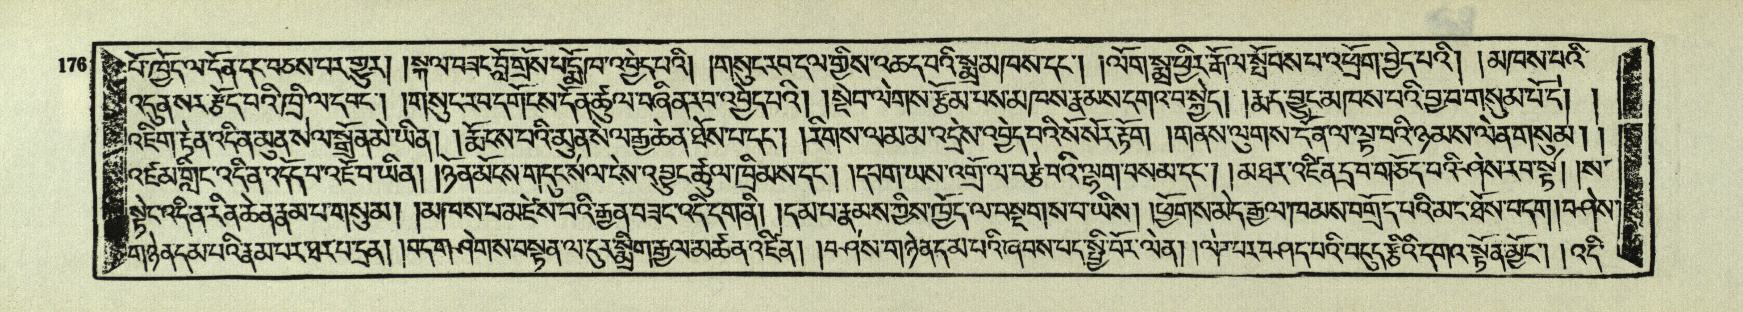པོ་ཁྱོད་ལ་དོན་དང་བཅས་པར་གྱུར། །སྐལ་བཟང་བློ་གྲོས་པདམོ་ཁ་འབྱེད་པའི། །གསུང་རབ་དལ་གྱིས་འཆད་པའི་སྨྲ་མཁས་དང་། །ལོག་སྨྲ་ཕྱིར་རྒོལ་སྤོབས་པ་འཕྲོག་བྱེད་པའི། །མཁས་པའི་
འདུན་སར་རྩོད་པའི་ཁྲི་ལ་དབང་། །གསུང་རབ་དགོངས་དོན་ཚུལ་བཞིན་རབ་འབྱེད་པའི། །སྡེབ་ལེགས་རྩོམ་པས་མཁས་རྣམས་དགའ་བ་སྐྱེད། །རྨད་བྱུང་མཁས་པའི་བྱ་བ་གསུམ་པོ་དེ། །
འཇིག་རྟེན་འདི་ན་མུན་སེལ་སྒྲོན་མེ་ཡིན། །རྨོངས་པའི་མུན་སེལ་རྒྱ་ཆེན་ཐོས་པ་དང་། །རིགས་ལམ་མ་འདྲེས་འབྱེད་པའི་སོ་སོར་རྟོག །གནས་ལུགས་དོན་ལ་ལྟ་བའི་ཉམས་ལེན་གསུམ། །
འཛམ་གླིང་འདི་ན་འདོད་པ་འཇོ་བ་ཡིན། །ཉོན་མོངས་གདུང་སེལ་ངེས་འབྱུང་ཚུལ་ཁྲིམས་དང་། །དཔག་ཡས་འགྲོ་ལ་བརྩེ་བའི་ལྷག་བསམ་དང་། །མཐར་འཛིན་དྲ་བ་གཅོད་པའི་ཤེས་རབ་སྟེ། །ས་
སྟེང་འདི་ན་རིན་ཆེན་རྣམ་པ་གསུམ། །མཁས་པ་མཛེས་པའི་རྒྱན་བཟང་འདི་དག་ནི། །དམ་པ་རྣམས་ཀྱིས་ཁྱོད་ལ་བསྔགས་པ་ཡིས། །ཕྱོགས་མེད་རྒྱལ་ཁམས་བགྲོད་པའི་མང་ཐོས་བདག། བཤེས་
གཉེན་དམ་པའི་རྣམ་པར་ཐར་པ་དྲན། །བདག་ཤེགས་བསྟན་ལ་དུར་སྨྲིག་རྒྱལ་མཚན་འཛིན། །བཤེས་གཉེན་དམ་པའི་ཞབས་པད་སྤྱི་བོར་ལེན། །ལེཌ་པར་བཤད་པའི་བདུད་རྩིའི་དགའ་སྟོན་མྱོངས། །འདི་